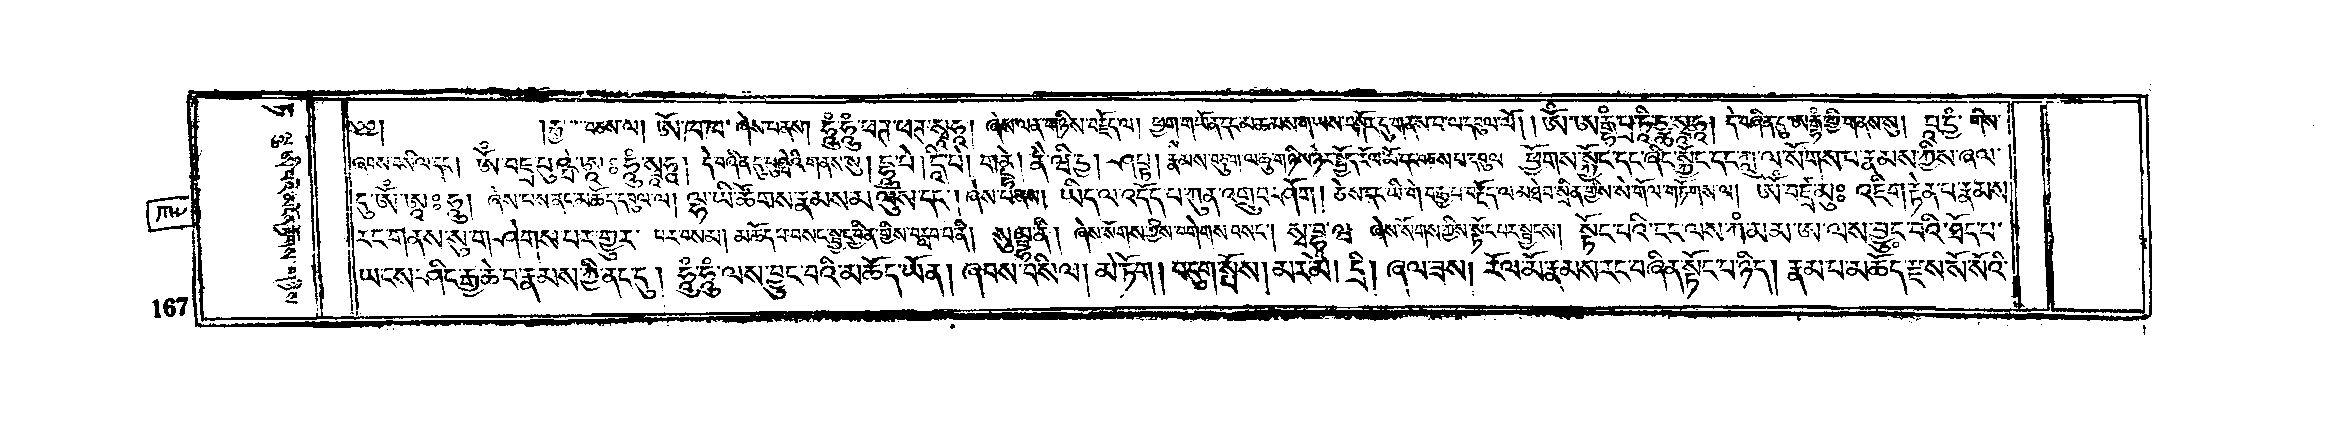༄༅། །རྒྱ་བཅས་ལ། ཨོཾ་ཁ་ཁ་ཞེས་པ་ནས།  ཧཱུཾ་ཧཱུཾ་ཕཊ་ཕཊ་སྭཱཧཱ། ཞེས་ལན་གཉིས་བརྗོད་ལ། ཕྱག་གཡོན་དང་མཚམས་གཡས་བསྐོར་དུ་གནས་པ་ལ་དབུལ་ལོ།  །ཨོཾ་ཨརྒྷཾ་པྲ་ཏཱི་ཙྪ་སྭཱཧཱ། དེ་བཞིན་དུ་ཨརྒྷཾ་གྱི་གནས་སུ། པཱ་དྱཾ་གིས་
ཞབས་བསིལ་དང་། ཨོཾ་བཛྲ་པུཥྤེ་ཨཱཿ ཧཱུཾ་སྭཱཧཱ། དེ་བཞིན་དུ་པུཥྤེའི་གནས་སུ། དྷཱུ་པེ། དཱི་པེ། གནྡྷེ། ནཻ་ཝི་དྱ། ཤཔྟ། རྣམས་བཅུག་ལ་ཆུ་གཉིས་ཉེར་སྤྱོད་རོལ་མོ་དང་བཅས་པ་དབུལ།  ཕྱོགས་སྐྱོང་དང་ཞིང་སྐྱོང་དང་ཀླུ་ལ་སོགས་པ་རྣམས་ཀྱིས་ཞལ་
དུ་ཨོཾ་ཨཱཿ ཧཱུ། ཞེས་པས་ནང་མཆོད་དབུལ་ལ།  ལྷ་ཡི་ཚོགས་རྣམས་མ་ལུས་དང་། ཞེས་པ་ནས། ཡིད་ལ་འདོད་པ་ཀུན་འགྲུབ་ཤོག ། ཅེས་དང་ཡི་གེ་བརྒྱ་པ་བརྗོད་ལ་མཐེབ་སྲིན་གྱིས་སེ་གོལ་གཏོགས་ལ།  ཨོཾ་བཛྲ་མུཿ འཇིག་རྟེན་པ་རྣམས་
རང་གནས་སུ་གཤེགས་པར་གྱུར་པར་བསམ། མཆོད་པ་བསང་སྦྱང་བྱིན་གྱིས་བརླབ་པ་ནི།  སུམྦྷ་ནི། ཞེས་སོགས་ཀྱིས་བགེགས་བསང་།  སྭ་བྷཱ་ཝ་ཞེས་སོགས་ཀྱིས་སྟོང་པར་སྦྱངས།  སྟོང་པའི་ངང་ལས་ཀཾ་མམ་ཨ་ལས་བྱུང་བའི་ཐོད་པ་
ཡངས་ཤིང་རྒྱ་ཆེ་བ་རྣམས་ཀྱི་ནང་དུ། ཧཱུཾ་ཧཱུཾ་ལས་བྱུང་བའི་མཆོད་ཡོན། ཞབས་བསིལ། མེ་ཏོག །བདུག་སྤོས། མར་མེ། དྲི། ཞལ་ཟས། རོལ་མོ་རྣམས་རང་བཞིན་སྟོང་པ་ཉིད། རྣམ་པ་མཆོད་རྫས་སོ་སོའི་